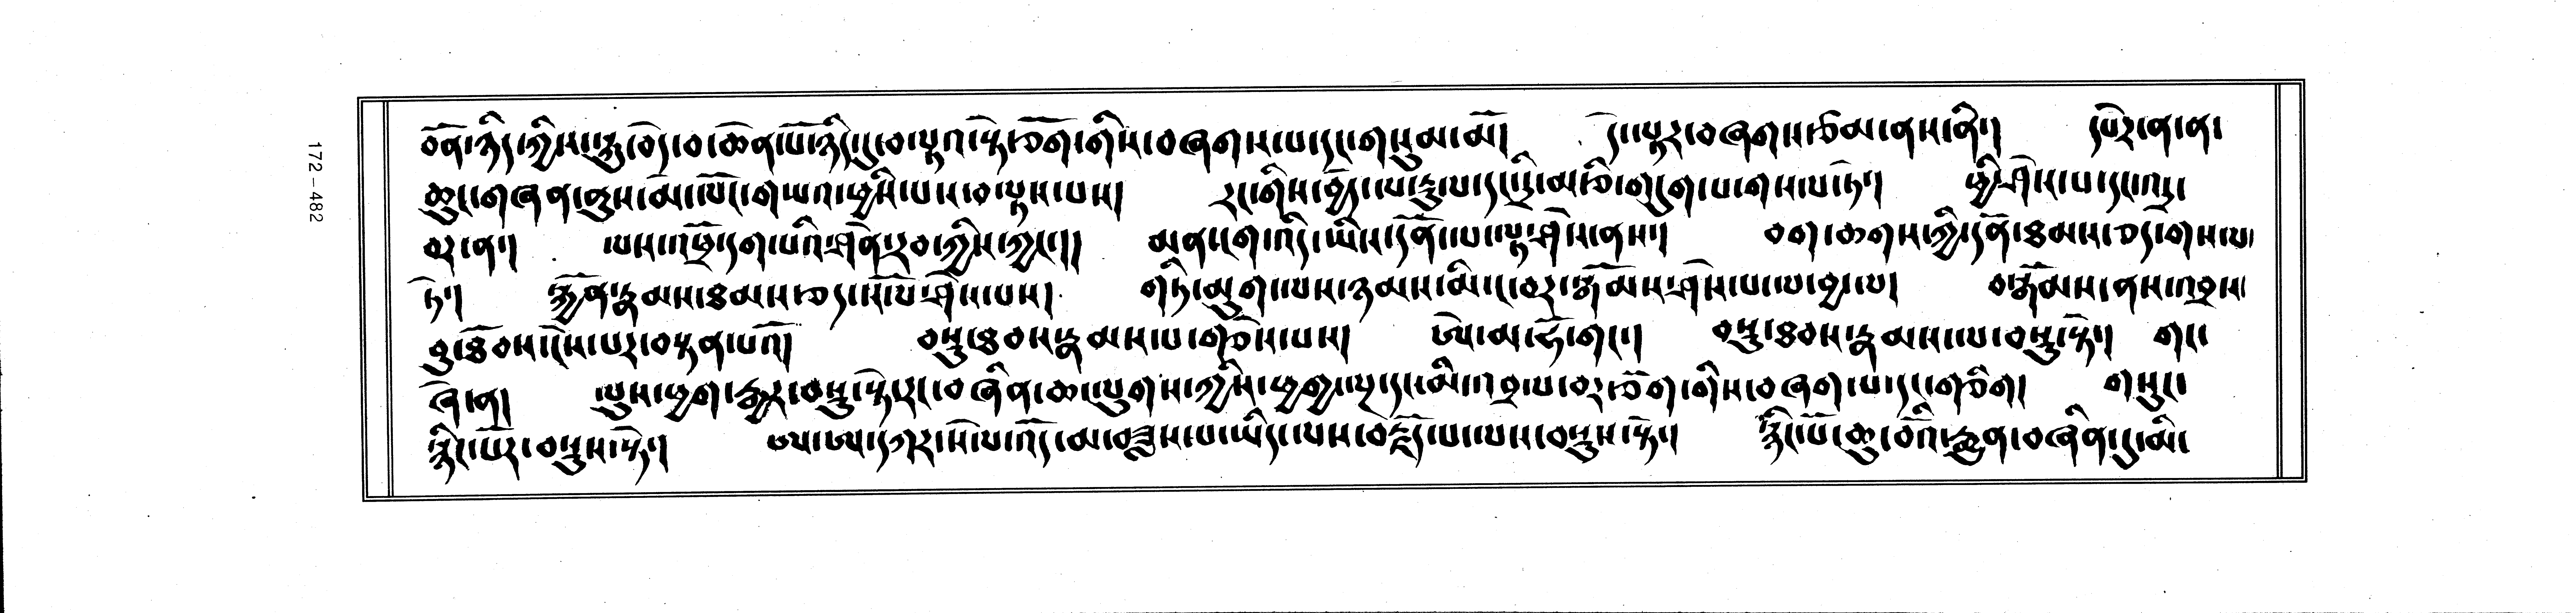བོན་ཉིད་ཀྱིས་སྐུ་བདེ་བ་ཆེན་པོ་ཉིད་དུ་བལྟའ་སྟེ་ཅོག་གིས་བཞགས་པ་དང་གསུམ་མོ། དེ་ལྟར་བཞགས་ཙམ་ནས་ནི། དཔེར་ན་ན་
ཆུང་གཞན་ནུས་མེ་ལོང་གཡའ་ཕྱིས་པས་བལྟས་པས། རང་གི་བྱེད་ལ་རྡུལ་དང་དྲི་མ་ཅི་གདུག་པ་གསལ་ཏེ། ཕྱི་ཤེས་པ་དང་འདྲ་
བར་ན། ལས་འཕྲོ་དག་པའི་ཤེན་རབ་ཀྱིས་ཀྱང་། མན་ངག་འདི་ཡིས་དོན་ལ་ལྟ་ཤེས་ནས། བག་ཆགས་ཀྱི་དོན་ཐམས་ཅད་གསལ་
ཏེ། སྐྱོན་རྣམས་ཐམས་ཅད་སེལ་ཤེས་པས། གཏི་མུག་ལས་ཉམས་མི་ང་བར་སྒོམ་ཤེས་པ་ལ་བྱ་ལ། བསྒོམས་ནས་འབྲས་
བུ་ཐོབས་ངེས་པར་བསྟན་པའོ། བསྡུ་ཐབས་རྣམ་པ་གཅེས་པས། ཨེ་མ་ཧོ་གང་བསྡུ་ཐབས་རྣམ་ལ་བསྡུ་སྟེ། གང་
ཞེ་ན། ལུས་ཕྱག་རྒྱར་བསྡུ་སྟེ་རང་བཞིན་ཆ་ལུགས་ཀྱིས་ཕྱག་རྒྱ་ལྔ་ད་མི་འབྲལ་བར་ཅོག་གིས་བཞག་པ་དང་གཅིག གསུང་
སྙིང་པོར་བསྡུས་སྟེ། ཨ་ཨ་དཀར་ས་ལེ་འོད་མ་བཟླས་པ་ཡིད་ལས་བརྗོད་པ་ལས་བསྡུས་སྟེ། སྙིང་པོ་ཆུ་བོའི་རྒྱུན་བཞིན་དུ་མི་